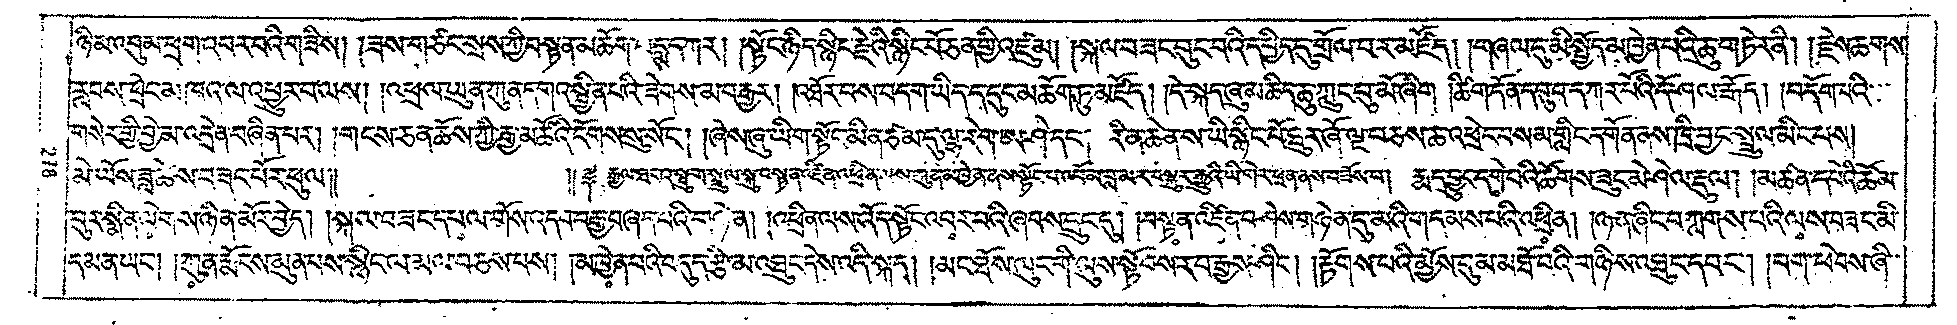ཉི་མ་འབུམ་ཕྲག་འབར་བའི་གཟིས། །ཟས་གཙང་སྲས་ཀྱི་བསྟན་མཆོག་པདམ་དཀར། །སྟོང་ཉིད་སྙིང་རྗེའི་སྙིང་པོ་ཅན་གྱི་འཛུམ། །སྐལ་བཟང་བུང་བའི་དཔྱིད་དུ་གྲོལ་བར་མཛོད། །གཞལ་དུ་མི་སྤྱོད་མཁྱེན་པའི་ཆུ་གཏེར་ནི། །རྗེས་ཆགས་
རླབས་ཕྲེང་མཁའ་ལ་འཕྱུར་བ་ལས། །འཕྲལ་ཡུན་ཀུན་དགའ་སྦྱིན་པའི་ཟེགས་མ་བརྒྱར། །འཐོར་བས་བདག་ཡིད་ད་དུང་མཆོག་ཏུ་མཛོད། །དེ་སྐད་ཞུ་མཆིད་ཆུ་ཀླུང་བུ་མོ་ཞིག །ཚིག་དོན་དབུ་བ་དཀར་པོའི་དོ་ཤལ་རྒོད། །བདོག་པའི་
གསེར་གྱི་བྱེ་མ་འདྲེན་བཞིན་པར། །གངས་ཅན་ཆོས་ཀྱི་རྒྱ་མཚོའི་ངོགས་སུ་སོང་། །ཞེས་ཞུ་ཡིག་སྟོང་མིན་ཙམ་དུ་ལྷ་རེག་ཨ་ཤེ་དང་། རིན་ཆེན་ས་ཡི་སྙིང་པོ་ཐུར་ཞོ་ལྔ་བཅས་ཆ་འཕྲེང་བསམ་གླིང་དགོན་ནས་ཁྲི་བྱང་སྤྲུལ་མིང་པས།
མེ་ཡོས་ཟླ་ཚེས་བཟང་པོར་ཕུལ།། །། ༈ རྒྱལ་ཐང་འ་སྦུག་སྤྲུལ་སྐུ་བསྟན་འཛིན་འཕྲིན་ལས་ཀུན་མཁྱེན་ནས་སྟོང་པ་འབོམ་བླ་མར་བསྐུར་རྒྱུའི་ཡི་གེར་ཕྲན་ནས་བཟོས་པ།  རྨད་བྱུང་དགེ྾་བའི་ཚོགས་ཟུང་མེ་ཤེལ་རྡུལ། །མཚན་དཔེའི་ཚོམ་
བུར་སྨིན་ལེགས྾་ཉིན་མོར་བྱེད། །སྐལ་བཟང་དཔལ྾་གོས་འདབ་བརྒྱ་བཞད་པའི་གཉེན། །འཕྲིན་ལས་འོད་སྟོང་འབར྾་བའི་ཞབས་དྲུང་དུ། །བསྟན྾་འཛིན྾་བཤེས་གཉེན་དུ་མའི་གདམས་པའི་འཕྲིན། །ཉན་ཞིང་བཀླགས་པའི་ལས྾་བཟང་མི་
དམན་ཡང་། །ཀུན྾་རྨོངས་མུན་པས་སྙིང་ལ་མལ་བཅས་པས། །མཁྱེན྾་པའི་བདུད་རྩི་མ་འཐུང་དེས་འདི་སྐད། །མང་ཐོས་ལུང་གི་ལུས་སྟོབས་རབ་རྒྱས་ཤིང་། །རྟོགས་པའི་མྱོས་བུམ་མཐོ་བའི་གཉིས་འཐུང་དབང་། །བག་ཕེབས་ཞི་